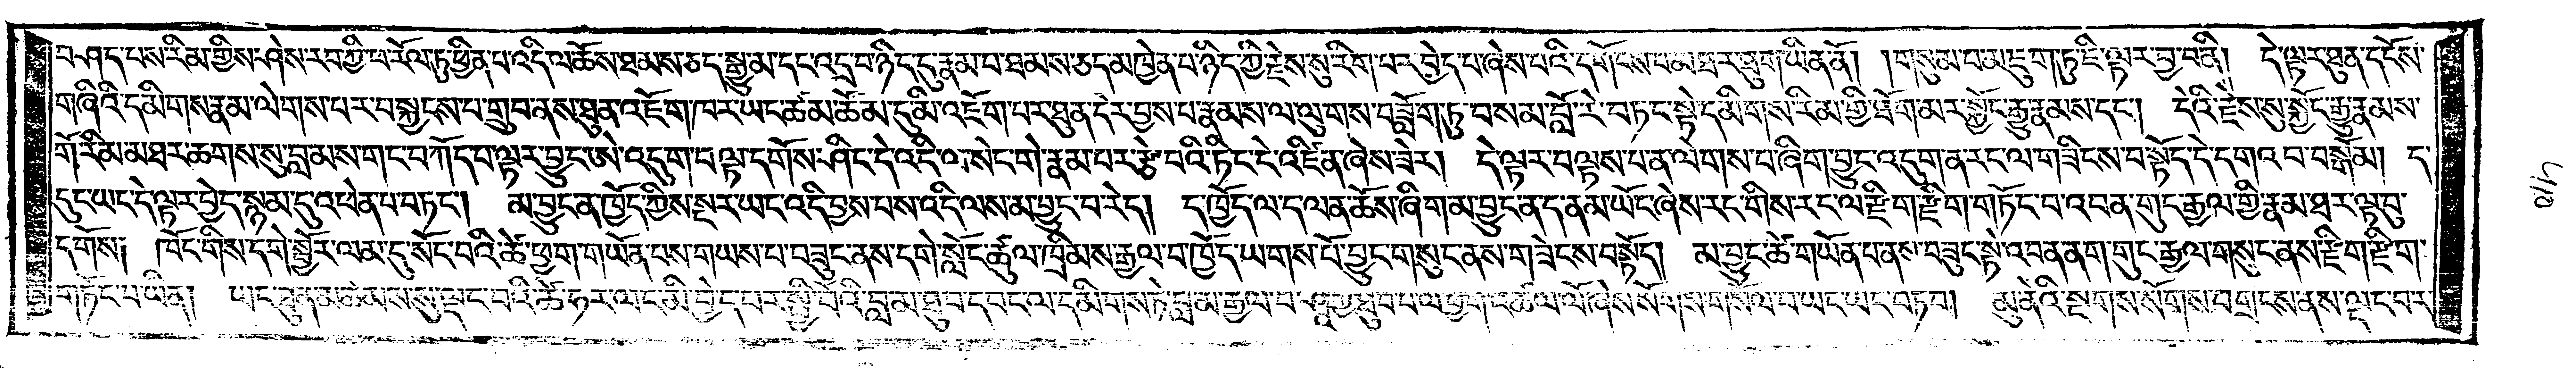བཤད་པས་རིམ་གྱིས་ཤེས་རབ་ཀྱི་ཕ་རོལ་ཏུ་ཕྱིན་པ་འདི་ལ་ཆོས་ཐམས་ཅད་སྒྱུ་མ་དང་འདྲ་བ་ཉིད་དུ་རྣམ་པ་ཐམས་ཅད་མཁྱེན་པ་ཉིད་ཀྱི་རྗེས་སུ་རིག་པར་བྱེད་པ་ཞེས་པའི་དགོངས་པ་མཐར་ཐུག་ཡིན་ནོ། །གསུམ་པ་མཇུག་ཏུ་ཇི་ལྟར་བྱ་བ་ནི། དེ་ལྟར་ཐུན་དངོས་
གཞིའི་དམིགས་རྣམ་ལེགས་བར་བསྐྱངས་པ་གྲུབ་ནས་ཐུན་འཇོག་ཁར་ཡང་ཚམ་ཚོམ་དུ་མ་འཇོག་པར་ཐུན་དེར་བྱས་པ་རྣམས་ལ་ལུགས་བཟློག་ཏུ་བསམ་བློ་རེ་བཏང་སྟེ་དམིགས་རིམ་གྱི་ཐོག་མར་སྐྱོང་རྒྱུ་རྣམས་དང་། དེའི་རྗེས་སུ་སྐྱོང་རྒྱུ་རྣམས་
གོ་རིམ་མཐར་ཆགས་སུ་བླ་མས་གང་བཀོད་པ་ལྟར་བྱུང་ཨེ་འདུག་བལྟ་དགོས་ཤིང་དེ་འདི་ལ་སེང་གེ་རྣམ་པར་རྩེ་བའི་ཏིང་ངེ་འཛིན་ཞེས་ཟེར། དེ་ལྟར་བལྟས་པ་ན་ལེགས་པ་ཞིག་བྱུང་འདུག་ན་རང་ལ་གཟིངས་བསྟོད་དེ་དགའ་བ་བསྒོམ། ད་
དུང་ཡང་དེ་ལྟར་བྱེད་སྙམ་དུ་འཕེན་པ་བཏང་། མ་བྱུང་ན་ཁྱོད་ཀྱིས་སྔར་ཡང་འདི་བྱས་པས་འདི་ལས་མ་བྱུང་བ་རེད། ད་ཁྱོད་ལ་ད་ལན་ཆོས་ཞིག་མ་བྱུང་ན་ད་ནམ་ཡོང་ཞེས་རང་གིས་རང་ལ་རྫིག་རྫིག་གཏོང་བ་འབན་གུང་རྒྱལ་གྱི་རྣམ་ཐར་ལྟ་བུ་
དགོས། ཁོང་གིས་དགེ་སྦྱོར་ལམ་དུ་སོང་བའི་ཚེ་ཕྱག་གཡོན་པས་གཡས་པ་བཟུང་ནས་དགེ་སློང་ཚུལ་ཁྲིམས་རྒྱལ་བ་ཁྱོད་ཡགས་པོ་བྱུང་གསུང་ནས་གཟེངས་བསྟོད། མ་བྱུང་ཚེ་གཡོན་པ་ནས་བཟུང་སྟེ་འབན་ནག་གུང་རྒྱལ་གསུང་ནས་རྫིག་རྫིག་
གཏོང་པ་ཡིན། ཡང་ཐུན་མཚམས་སུ་ལྡང་བའི་ཚེ་ཧར་ལང་མི་བྱེད་པར་སྤྱི་བོའི་བླ་མ་ཐུབ་དབང་ལ་དམིགས་ཏེ་བླ་མ་རྒྱལ་བ་ཤཱཀྱ་ཐུབ་པ་ལ་ཕྱག་འཚལ་ལོ་ཞེས་སོགས་གསོལ་བ་ཡང་ཡང་བཏབ། མུ་ནེའི་སྔགས་སོགས་བགྲངས་ནས་ལྡང་བར་